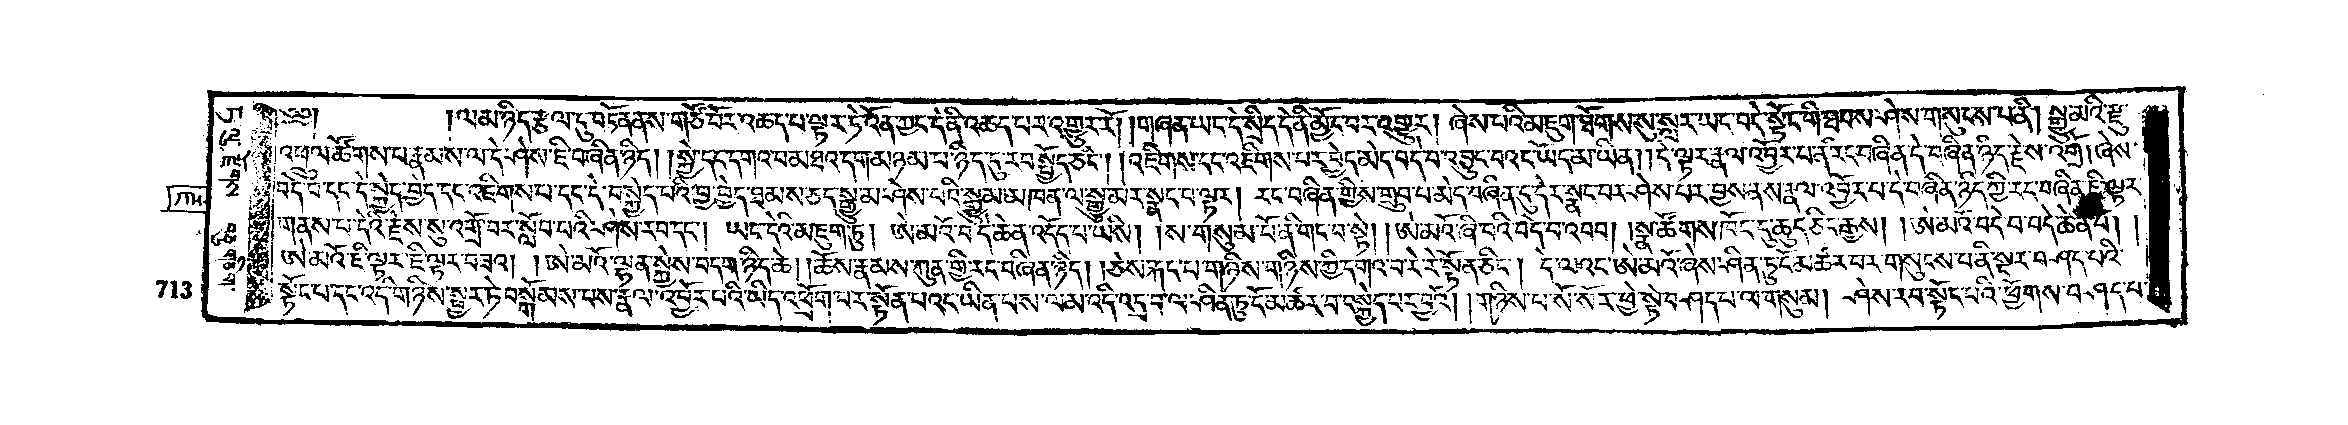༄༅། །ལམ་ཉིད་རྩལ་དུ་བཏོན་ནས་གཙོ་བོར་འཆད་པ་ལྟར་ཏེ་འོན་ཀྱང་དེ་ནི་འཆད་པར་འགྱུར་རོ། །གཞན་ཡང་དེ་སྲིད་དེ་ནི་མྱོང་བར་འགྱུར། ཞེས་པའི་མཇུག་ཐོགས་སུ་སླར་ཡང་བདེ་སྟོང་གི་ཐབས་ཤེས་གསུངས་པ་ནི། སྒྱུ་མའི་རྫུ་
འཕྲུལ་ཚོགས་པ་རྣམས་ལ་དེ་ཤེས་ཇི་བཞིན་ཉིད། །སྐྱེ་དང་དགའ་བ་མཐའ་དག་མཉམ་པ་ཉིད་དུ་རབ་སྤྱོད་ཅིང་། །འཇིགས་དང་འཇིགས་པར་བྱེད་མེད་བདེ་བ་འབྱུང་བའང་ཡོད་མ་ཡིན། །དེ་ལྟར་རྣལ་འབྱོར་པ་ནི་རང་བཞིན་དེ་བཞིན་ཉིད་རྗེས་འགྲོ། ཞེས་
བདེ་བ་དང་དེ་སྐྱེད་བྱེད་དང་འཇིགས་པ་དང་དེ་བསྐྱེད་པའི་བྱ་བྱེད་ཐམས་ཅད་སྒྱུ་མ་ཤེས་པའི་སྒྱུ་མ་མཁན་ལ་སྒྱུ་མར་སྣང་བ་ལྟར། རང་བཞིན་གྱིས་གྲུབ་པ་མེད་བཞིན་དུ་དེར་སྣང་བར་ཤེས་པར་བྱས་ནས་རྣལ་འབྱོར་པ་དེ་བཞིན་ཉིད་ཀྱི་རང་བཞིན་ཇི་ལྟར་
གནས་པ་དེའི་རྗེས་སུ་འགྲོ་བར་སློབ་པའི་ཤེས་རབ་དང་། ཡང་དེའི་མཇུག་ཏུ། ཨེ་མའོ་བདེ་ཆེན་འདོད་པ་ཡིས། །ས་གསུམ་པོ་ནི་གང་བ་སྟེ། །ཨེ་མའོ་ཞི་བའི་བདེ་བ་འབབ། །སྣ་ཚོགས་ཁོང་དུ་ཆུད་ཅིང་རྒྱས། །ཨེ་མའོ་བདེ་བ་བདེ་ཆེན་པོ། །
ཨེ་མའོ་ཇི་ལྟར་ཇི་ལྟར་བཟའ། །ཨེ་མའོ་ལྷན་སྐྱེས་བདག་ཉིད་ཆེ། །ཆོས་རྣམས་ཀུན་གྱི་རང་བཞིན་ཉིད། །ཅེས་རྐང་པ་གཉིས་གཉིས་ཀྱི་དགའ་བ་རེ་རེ་སྟོན་ཅིང་། དེ་ལའང་ཨེ་མའོ་ཞེས་ཤིན་ཏུ་ངོ་མཚར་བར་གསུངས་བ་ནི་སྔར་བཤད་པའི་
སྟོང་པ་དང་འདི་གཉིས་སྦྱར་ཏེ་བསྒོམས་པས་རྣལ་འབྱོར་པའི་ཡིད་འཕྲོག་པར་སྟོན་པའང་ཡིན་པས་ལམ་འདི་འདྲ་བ་ལ་ཤིན་ཏུ་ངོ་མཚར་བ་བསྐྱེད་པར་བྱའོ། །གཉིས་པ་སོ་སོར་ཕྱེ་སྟེ་བཤད་པ་ལ་གསུམ། ཤེས་རབ་སྟོང་པའི་ཕྱོགས་བཤད་པ་